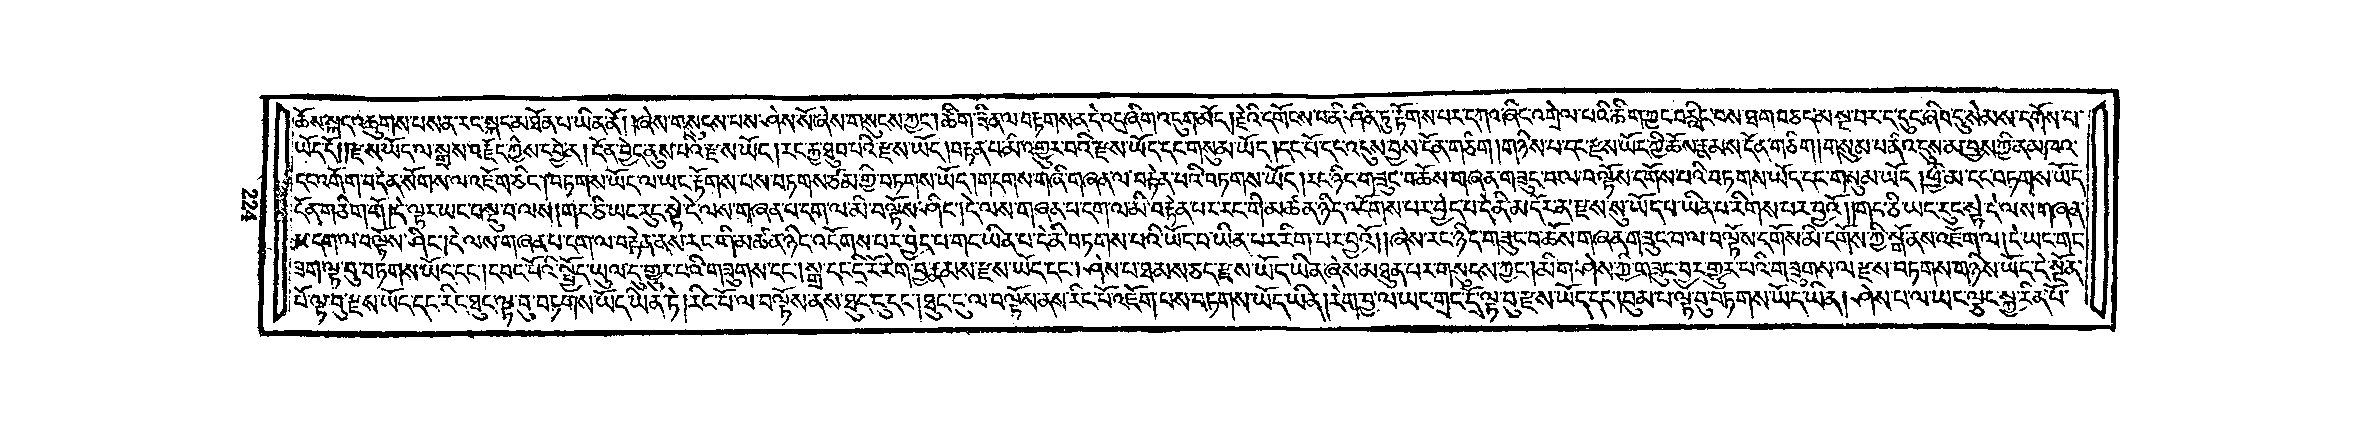ཆོས་སྐད་འཆུགས་པས་ན་རང་སྐད་མ་ཐོན་པ་ཡིན་ནོ། །ཞེས་གསུངས་པས་ཤེས་སོ་ཞེས་གསུངས་ཀྱང་། ཚིག་ཟིན་ལ་བརྟགས་ན་དེ་འདྲ་ཞིག་འདུག་མོད། རྗེའི་དགོངས་པ་ནི་ཤིན་ཏུ་རྟོགས་པར་དཀའ་ཞིང་འགྲེལ་པའི་ཚིག་ཀྱང་བརླིང་བས་ཐག་བཅད་མ་སྔ་བར་ད་དུང་ཞིབ་དུ་སེམས་དགོས་པ་
ཡོད་དོ། །རྫས་ཡོད་ལ་སྒྲས་བརྗོད་ཀྱིས་དབྱེ་ན། དོན་བྱེད་ནུས་པའི་རྫས་ཡོད། རང་རྐྱ་ཐུབ་པའི་རྫས་ཡོད། བརྟན་པ་མི་འགྱུར་བའི་རྫས་ཡོད་དང་གསུམ་ཡོད། དང་པོ་དང་འདུས་བྱས་དོན་གཅིག །གཉིས་པ་དང་རྫས་ཡོད་ཀྱི་ཆོས་རྣམས་དོན་གཅིག །གསུམ་པ་ནི་འདུས་མ་བྱས་ཀྱི་ནམ་མཁའ་
དང་འགོག་བདེན་སོགས་ལ་འཇོག་ཅིང་། བཏགས་ཡོད་ལ་ཡང་རྟོགས་པས་བཏགས་ཙམ་གྱི་བཏགས་ཡོད། གདགས་གཞི་གཞན་ལ་བརྟེན་པའི་བཏགས་ཡོད། རང་ཉིད་གཟུང་བ་ཆོས་གཞན་གཟུང་བ་ལ་བལྟོས་དགོས་པའི་བཏགས་ཡོད་དང་གསུམ་ཡོད། ཕྱི་མ་དང་བཏགས་ཡོད་
དོན་གཅིག་གོ །དེ་ལྟར་ཡང་བསྡུ་བ་ལས། གང་ཅི་ཡང་རུང་སྟེ་དེ་ལས་གཞན་པ་དག་ལ་མི་བལྟོས་ཤིང་། དེ་ལས་གཞན་པ་དག་ལ་མི་བརྟེན་པར་རང་གི་མཚན་ཉིད་འདོགས་པར་བྱེད་པ་དེ་ནི་མདོར་ན་རྫས་སུ་ཡོད་པ་ཡིན་པ་རིགས་པར་བྱའོ། །གང་ཅི་ཡང་རུང་སྟེ་དེ་ལས་གཞན་
པ་དག་ལ་བལྟོས་ཤིང་། དེ་ལས་གཞན་པ་དག་ལ་བརྟེན་ནས་རང་གི་མཚན་ཉིད་འདོགས་པར་བྱེད་པ་གང་ཡིན་པ་དེ་ནི་བཏགས་པའི་ཡོད་པ་ཡིན་པར་རིག་པར་བྱའོ། །ཞེས་རང་ཉིད་གཟུང་བ་ཆོས་གཞན་གཟུང་བ་ལ་བལྟོས་དགོས་མི་དགོས་ཀྱི་སྒོ་ནས་འཇོག་ལ། དེ་ཡང་གང་
ཟག་ལྟ་བུ་བཏགས་ཡོད་དང་། དབང་པོའི་སྤྱོད་ཡུལ་དུ་གྱུར་པའི་གཟུགས་དང་། སྒྲ་དང་དྲི་རོ་རེག་བྱ་རྣམས་རྫས་ཡོད་དང་། ཤེས་པ་ཐམས་ཅད་རྫས་ཡོད་ཡིན་ཞེས་མཐུན་པར་གསུངས་ཀྱང་། མིག་ཤེས་ཀྱི་གཟུང་བྱར་གྱུར་པའི་གཟུགས་ལ་རྫས་བཏགས་གཉིས་ཡོད་དེ་སྔོན་
པོ་ལྟ་བུ་རྫས་ཡོད་དང་རིང་ཐུང་ལྟ་བུ་བཏགས་ཡོད་ཡིན་ཏེ། རིང་པོ་ལ་བལྟོས་ནས་ཐུང་ངུ་དང་། ཐུང་ངུ་ལ་བལྟོས་ནས་རིང་པོ་འཇོག་པས་བཏགས་ཡོད་ཡིན། རེག་བྱ་ལ་ཡང་གྲང་དྲོ་ལྟ་བུ་རྫས་ཡོད་དང་། བུམ་པ་ལྟ་བུ་བཏགས་ཡོད་ཡིན། ཤེས་པ་ལ་ཡང་ལྕང་སྐྱ་རིན་པོ་